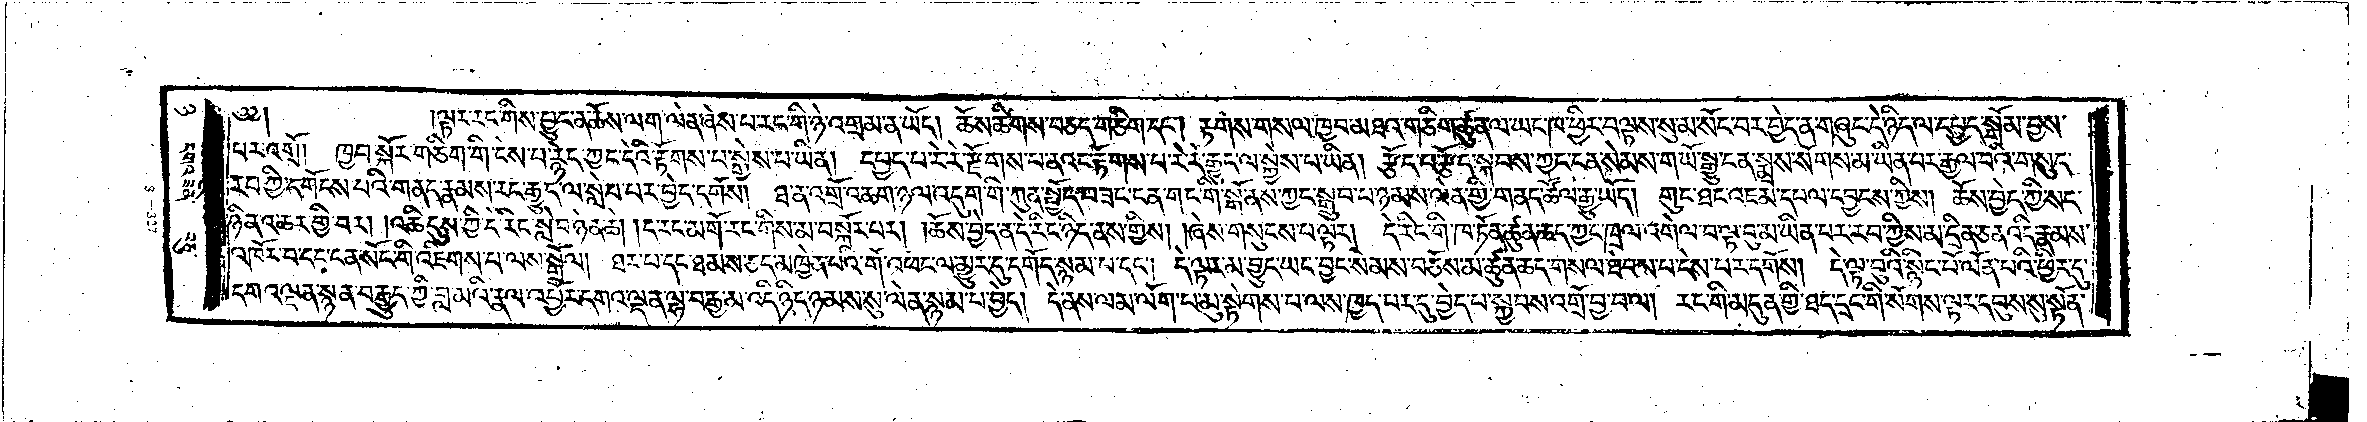༄༅། །ལྟར་རང་གིས་བྱུང་ན་ཆོས་ལག་ལེན་ཞེས་པ་རང་གི་ཉེ་འགྲམ་ན་ཡོད། ཆོས་ཚིགས་བཅད་གཅིག་དང་། རྟགས་གསལ་ཁྱབ་མཐའ་གཅིག་ཚུན་ལ་ཡང་ཁ་ཕྱིར་བལྟས་སུ་མ་སོང་བར་བྱེད་ན་གཞུང་དེ་ཉིད་ལ་དཔྱད་སྒོམ་བྱས་
པར་འགྲོ། ཁྱབ་སྐོར་གཅིག་གི་ངེས་པ་རྙེད་ཀྱང་དེའི་རྟོགས་པ་སྐྱེས་པ་ཡིན། དཔྱད་པ་རེ་རེ་རྫོགས་པ་ནའང་རྟོགས་པ་རེ་རེ་རྒྱུད་ལ་སྐྱེས་པ་ཡིན། རྩོད་པ་རྩོད་སྐབས་ཀྱང་ངན་སེམས་གཡོ་སྒྱུ་ངན་སྨྲས་སོགས་མ་ཡིན་པར་རྒྱལ་བའི་གསུང་
རབ་ཀྱི་དགོངས་པའི་གནད་རྣམས་རང་རྒྱུད་ལ་སླེབ་པར་བྱེད་དགོས། ཐ་ན་འགྲོ་འཆག་ཉལ་འདུག་གི་ཀུན་སྤྱོད་བཟང་ངན་གང་གི་སྒོ་ནས་ཀྱང་སྒྲུབ་པ་ཉམས་ལེན་གྱི་གནད་ཚོལ་རྒྱུ་ཡོད། གུང་ཐང་འཇམ་དཔལ་དབྱངས་ཀྱིས། ཆོས་བྱེད་ཀྱི་སང་
ཉིན་འཆར་གྱི་བར། །འཆི་དུས་ཀྱི་དེ་རིང་སླེབ་ཉེན་ཆེ། །ད་རང་མགོ་རང་གིས་མ་བསྐོར་བར། །ཆོས་བྱེད་ན་དེ་རིང་ཉིད་ནས་གྱིས། །ཞེས་གསུངས་པ་ལྟར། དེ་རིང་གི་ཁ་ཏོན་ཚུན་ཆད་ཀྱང་ཁྲལ་འགེལ་བ་ལྟ་བུ་མ་ཡིན་པར་རབ་ཀྱིས་མ་དྲིན་ཅན་འདི་རྣམས་
འཁོར་བ་དང་ངན་སོང་གི་འཇིགས་པ་ལས་སྒྲོལ། ཐར་པ་དང་ཐམས་ཅད་མཁྱེན་པའི་གོ་འཕང་ལ་མྱུར་དུ་དགོད་སྙམ་པ་དང་། དེ་ལྟར་མ་བྱུང་ཡང་བྱང་སེམས་བཅོས་མ་ཚུན་ཆད་གསལ་ཐེབས་པ་ངེས་པར་དགོས། དེ་ལྟ་བུའི་སྙིང་པོ་ལོན་པའི་ཕྱིར་དུ་
དགའ་ལྡན་སྙན་བརྒྱུད་ཀྱི་བླ་མའི་རྣལ་འབྱོར་དགའ་ལྡན་ལྷ་བརྒྱ་མ་འདི་ཉིད་ཉམས་སུ་ལེན་སྙམ་པ་བྱེད། དེ་ནས་ལམ་ལོག་པ་མུ་སྟེགས་པ་ལས་ཁྱད་པར་དུ་བྱེད་པ་སྐྱབས་འགྲོ་བྱ་བ་ལ། ༈ རང་གི་མདུན་གྱི་ཐད་དྲང་གི་སོགས་ལྟར་དབུས་སུ་སྟོན་